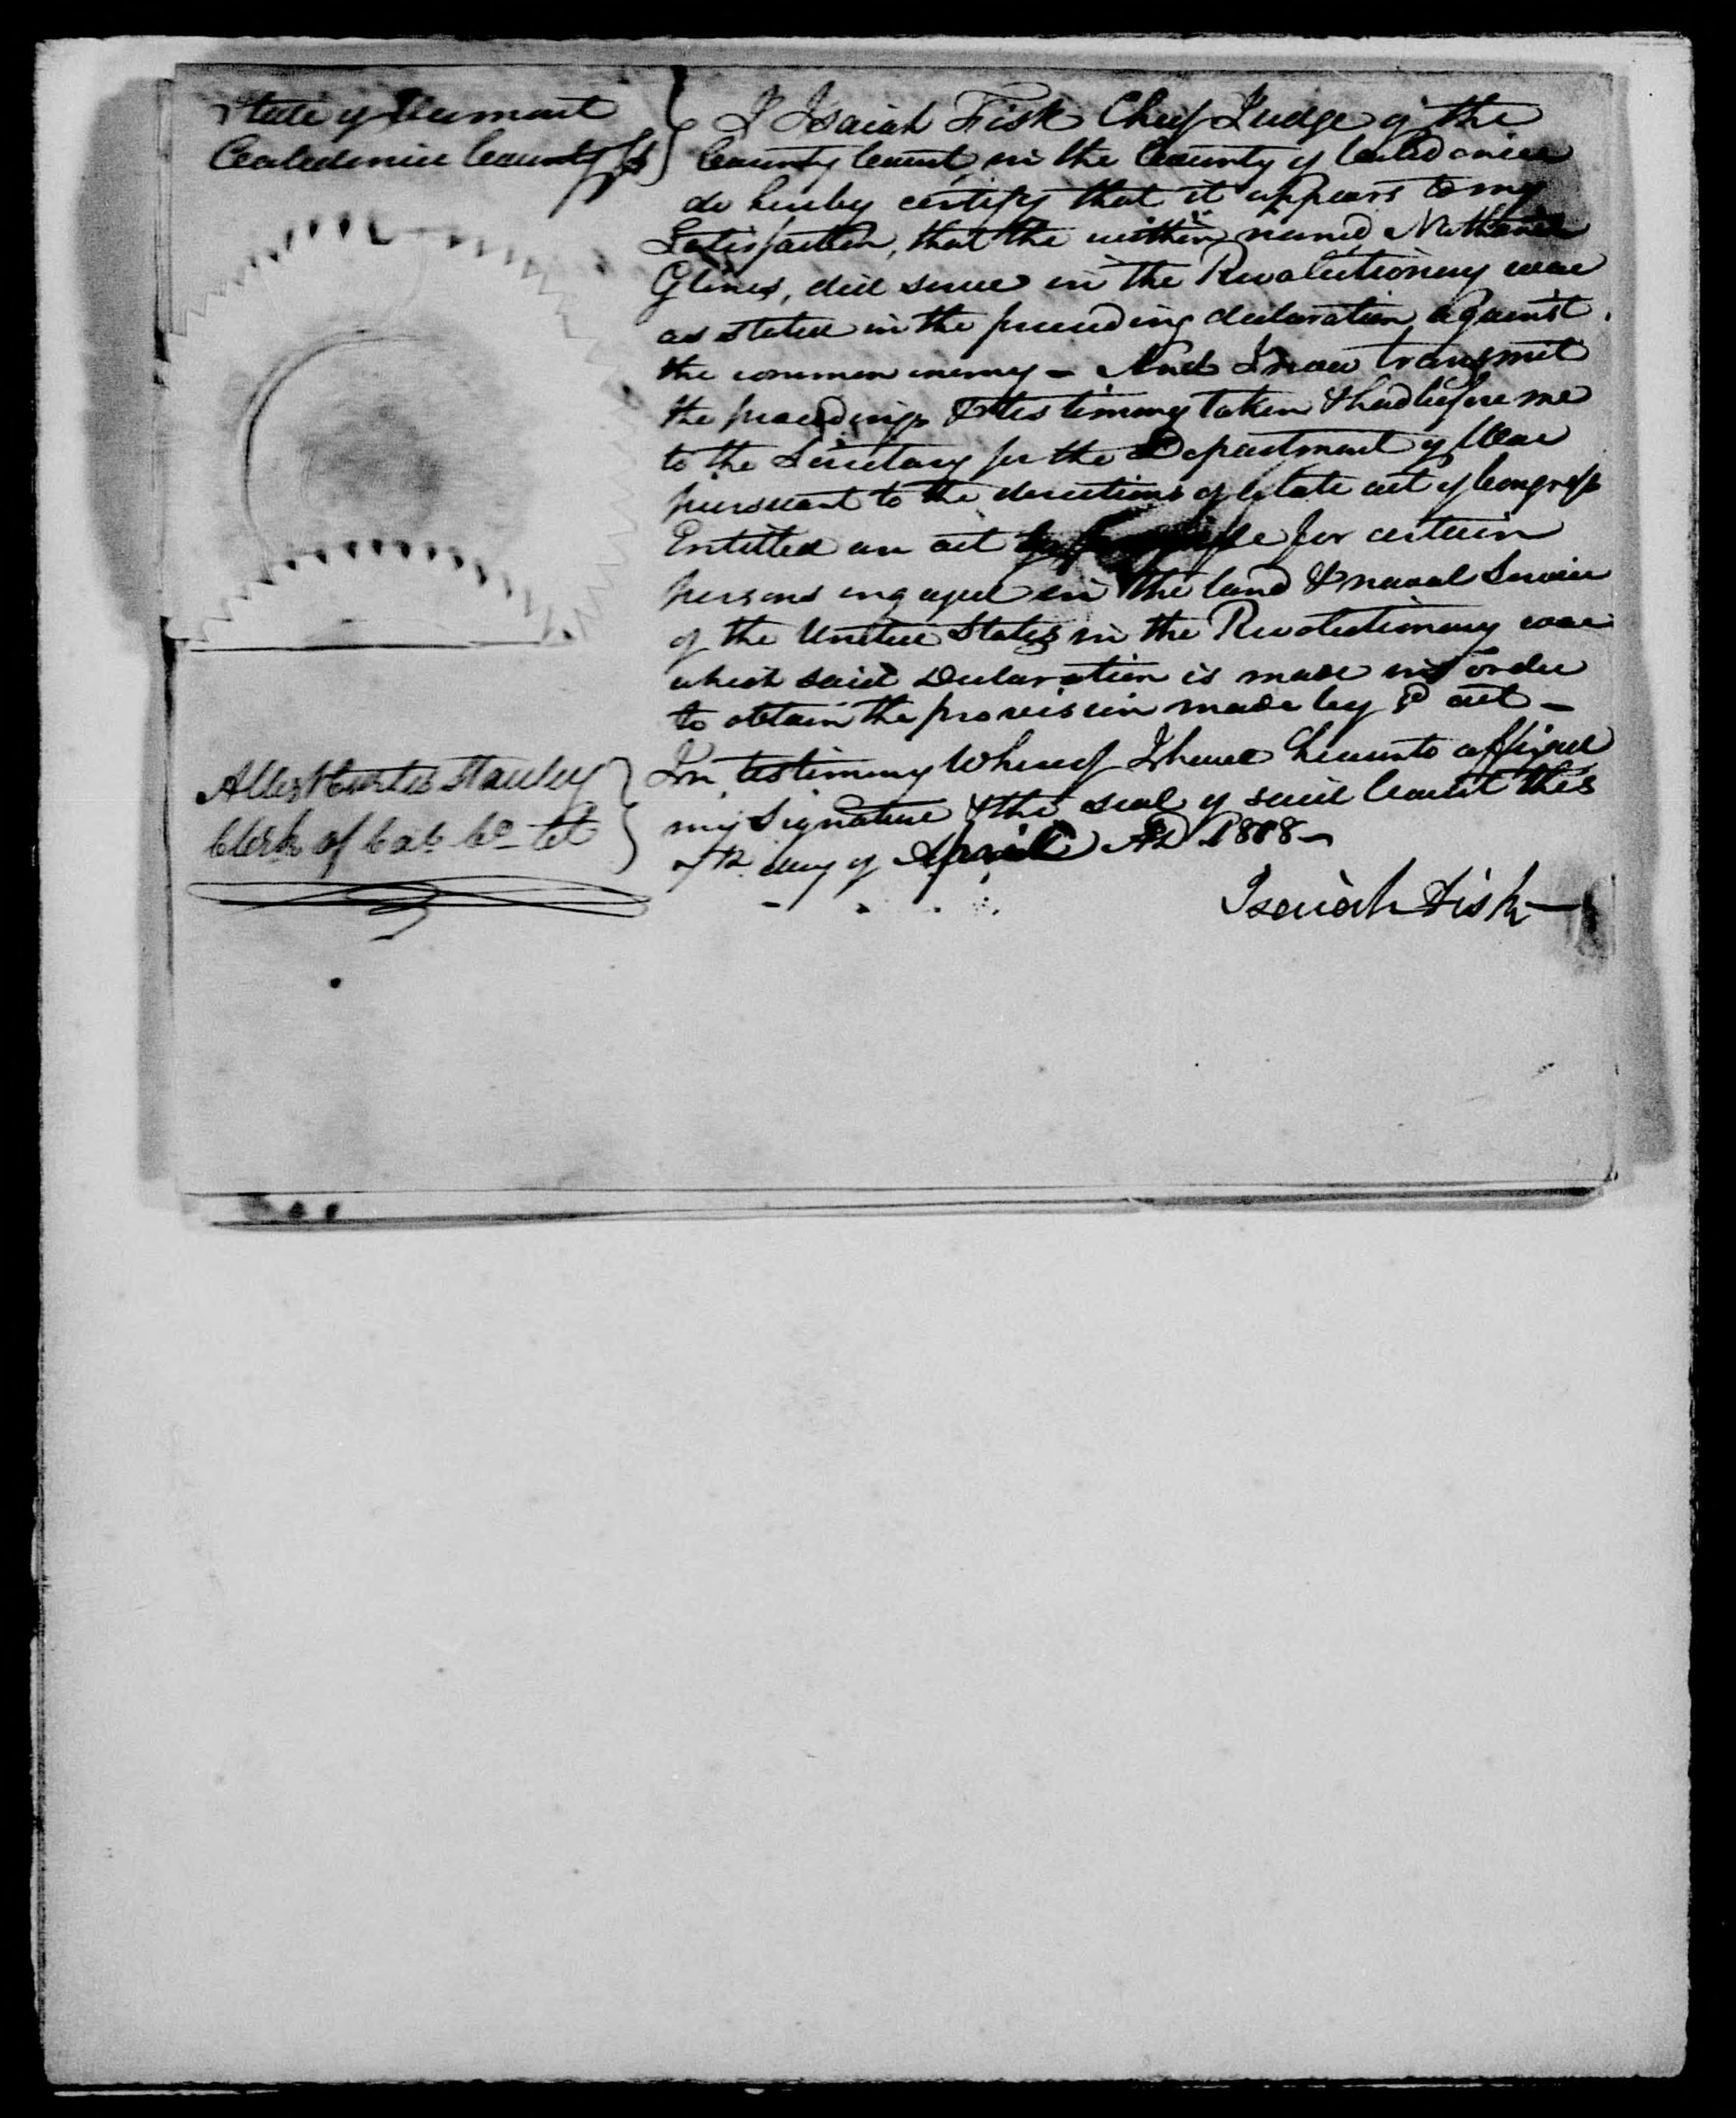State of Vermont
Caledonia County Ss.} I Isaiah Fisk Chief Judge of the
County Court in the County of Caledonia
do hereby certify that it appears to my
satisfaction, that the within named Nathaniel
Glines, did service in the Revolutionary War
as stated in the preceding declaration against
the common enemy - And I now transmit
the preceding testimony taken & had before me
to the Secretary for the Department of War
pursuant to the directions of a late act of Congress
Entitled an act [illegible] for certain
persons engaged in the land & naval service
of the United States in the Revolutionary War
which said Declaration is made in order
to obtain the provision made by s'd Act - 
In testimony whereof I have hereunto affixed 
my signature & the seal of said Court this
7th day of April AD 1818 -
Isaiah Fisk
Alles Hartes Stanley
Clerk of Cal. Co. Ct.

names: Isaiah Fisk, Nathaniel Glines, Isaiah Fisk, Hartes Stanley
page: 10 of 29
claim: widow's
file: W. 24,282, Nathaniel Glines, N.H.